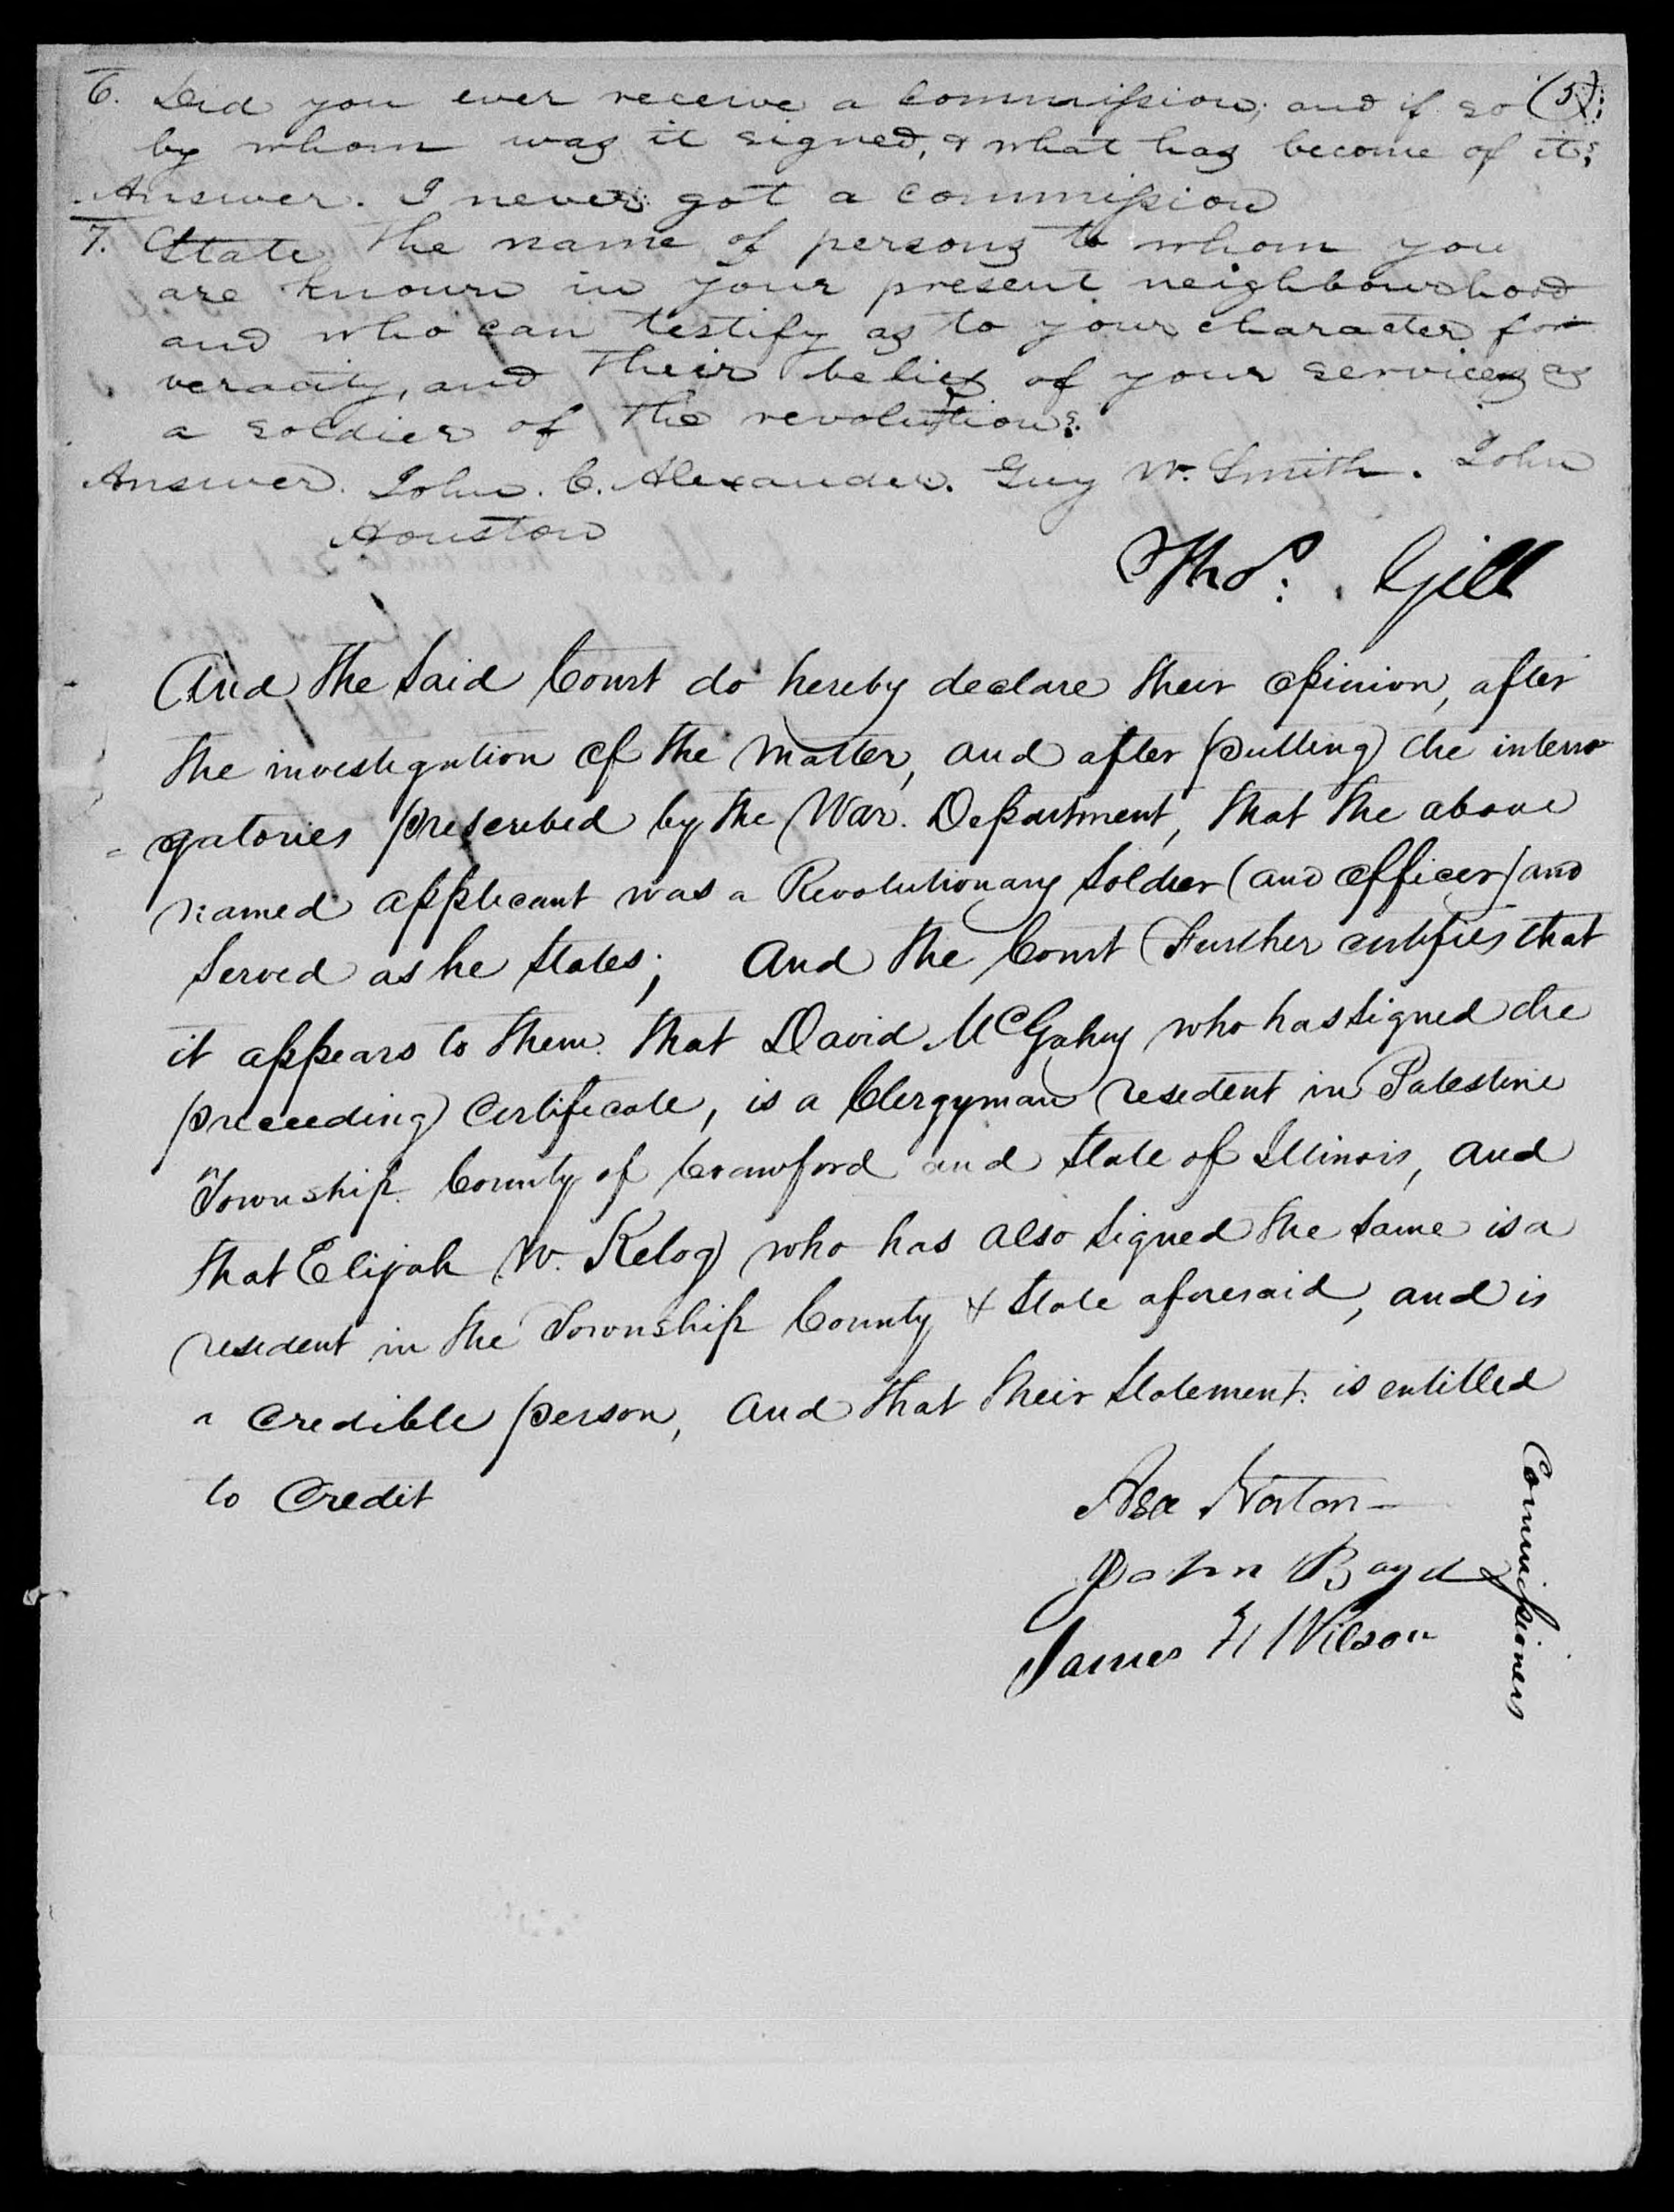(5) 6. Did you ever receive a  commission , and if so  by whom was it signed & what has become of it ? Answer. I never got a commission . 7. State the name of persons to whom you are known om your present neighborhood and who can testify as to your character for veracity , and their belief of your service as a soldier of the revolution . Answer. John C. Alexander, Guy W. Smith, John Houston.  s/  Thos. Gill 
 And the said Court  do hereby declare their opinion , after the investigation of the matter, and after putting the interrogatories prescribed by the  War Department , that the above named applicant was a  Revolutionary soldier ( and officer ) and served as he states ; And the Court further  certifies that it appears to them that David Mc Gahey, who has signed the proceeding certificate, is a clergyman resident in  Palestine Township  County of Crawford and State of Illinois, and that Elijah  M. Kelog who has also signed the same is a resident in the  Township  County  & State aforesaid, and is a credible person , and that their statement is entitled to credit. s/  Asa Norton   John Boyd   James H Wilson Commissioners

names: James H Wilson, David Mc Gahey, Guy W Smith, Thos Gill, John C Alexander, John Boyd, John Houston, Elijah W Kelog, Asa Norton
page: 11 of 44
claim: survivor's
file: S. 31,061, Thomas Gill, S.C.